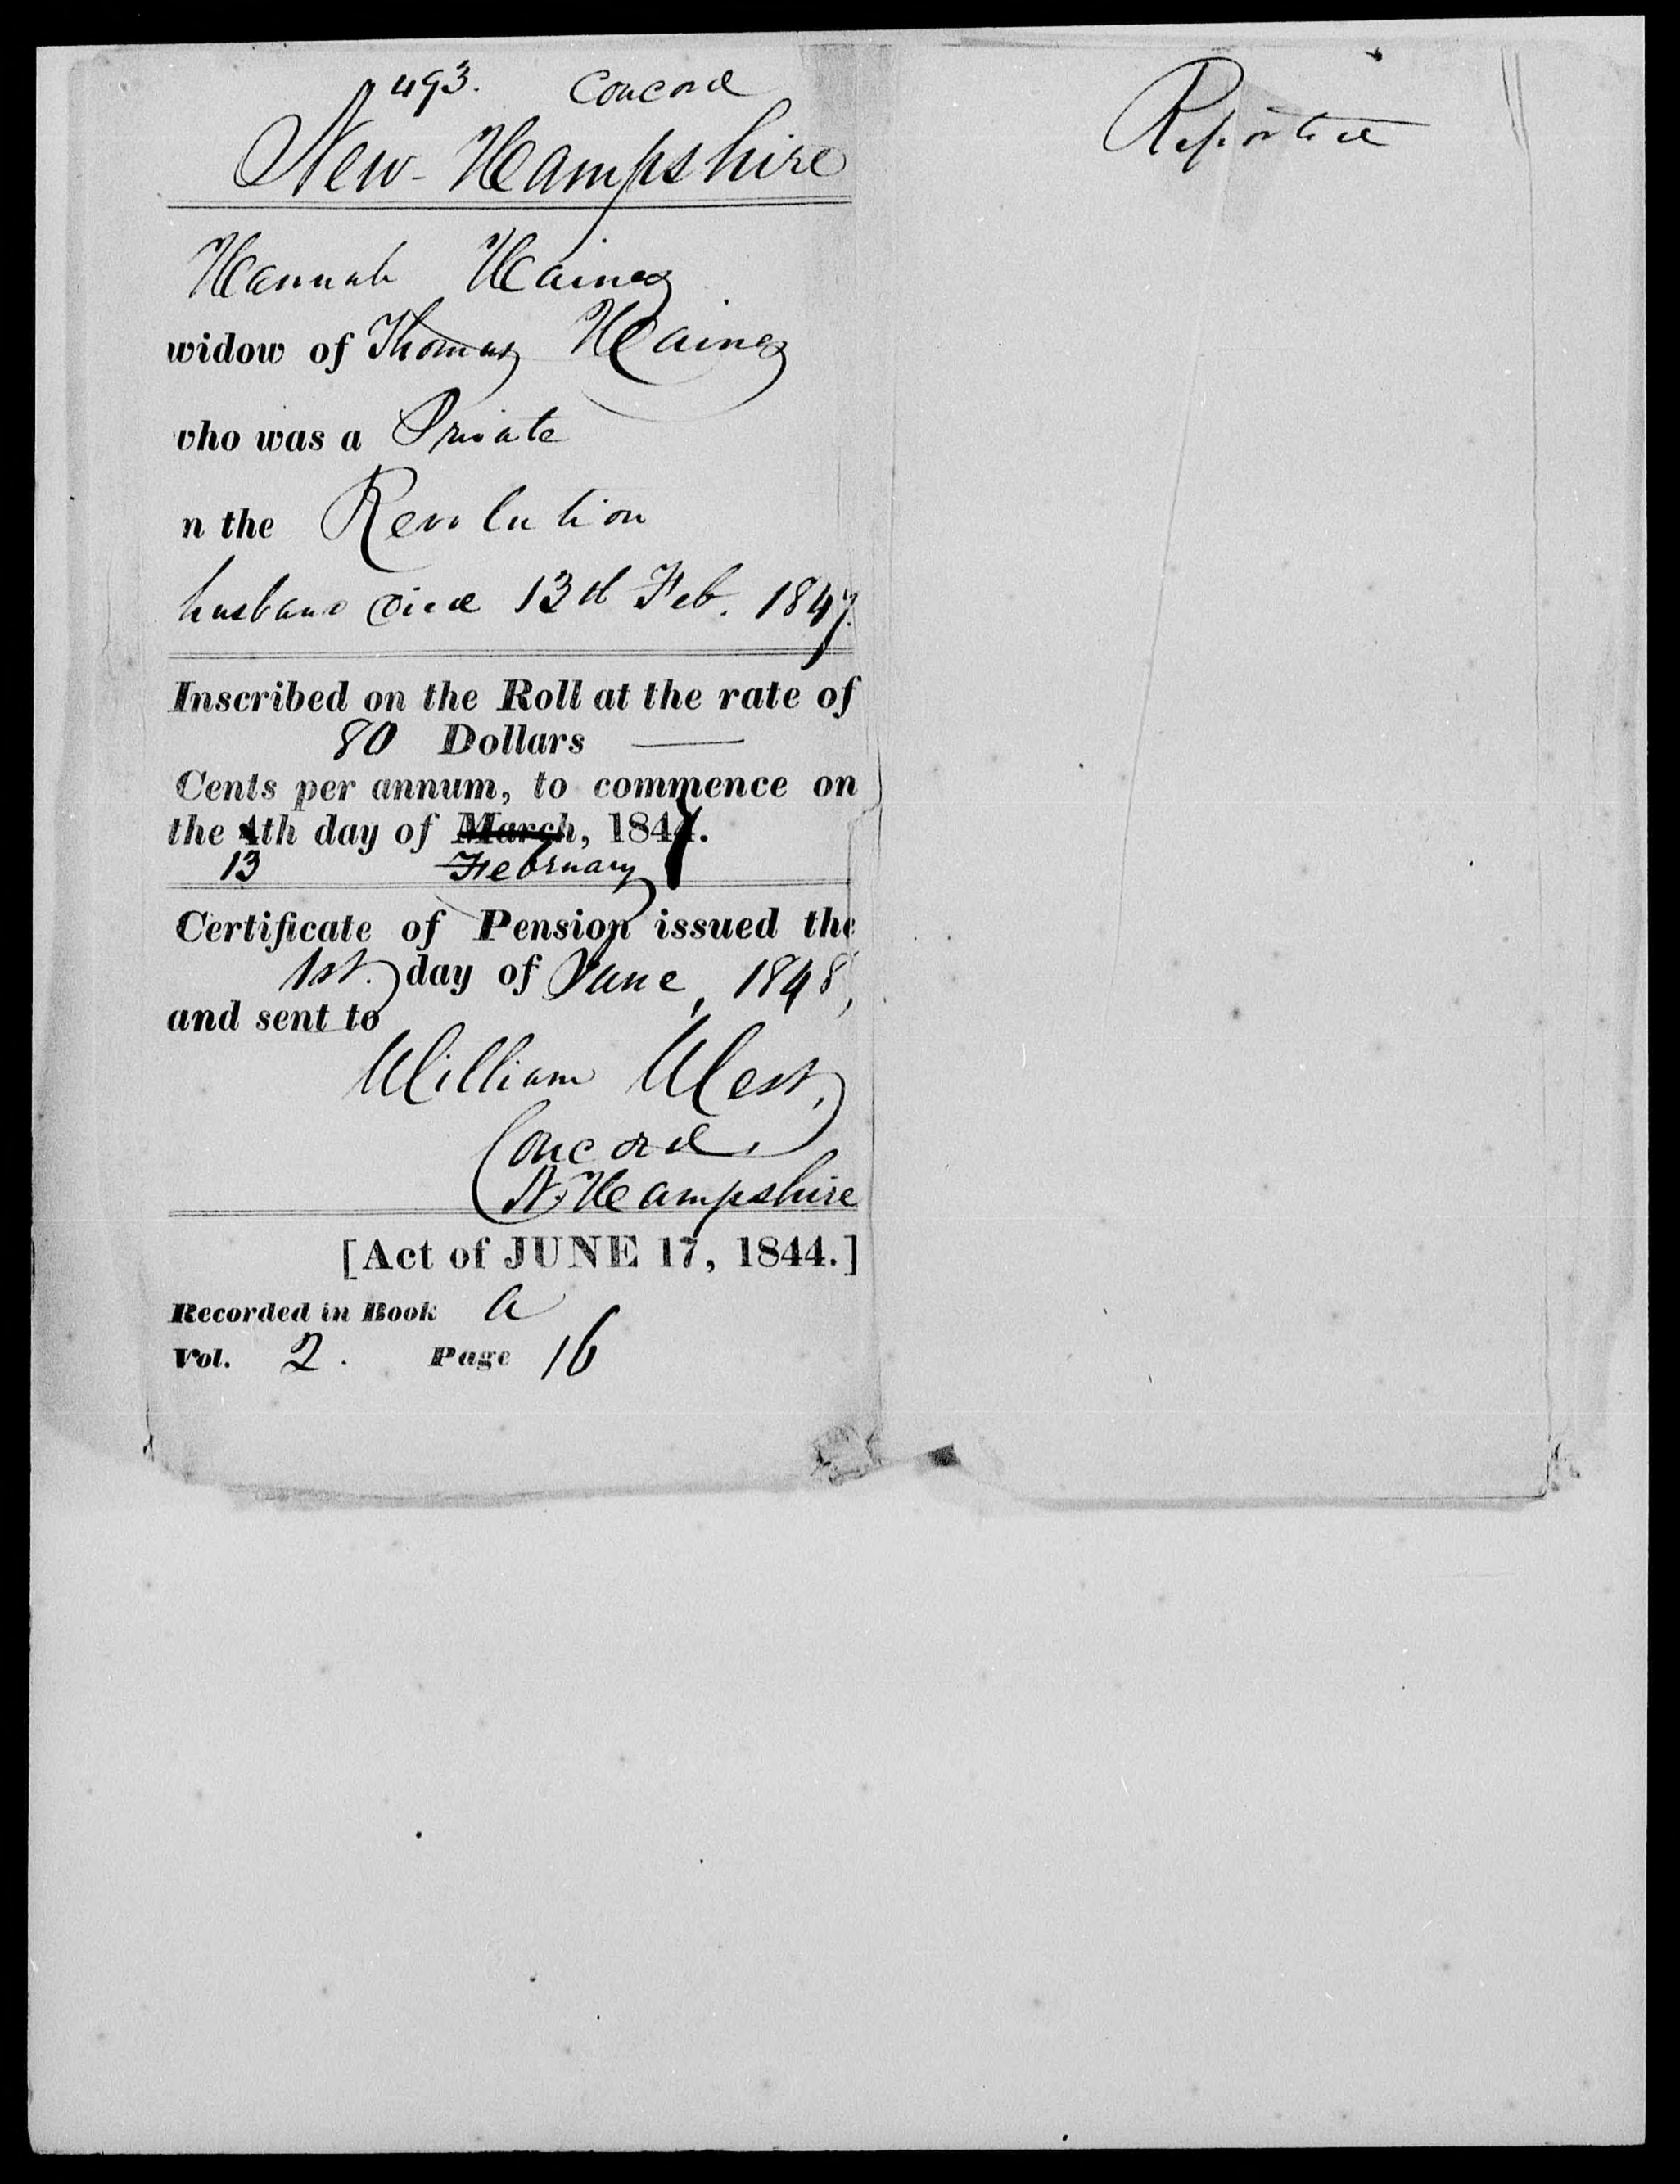493
Concord
New Hampshire
Hannah Haines
widow of Thomas Haines
who was a Private
in the Revolution
husband and 13th Feb. 1847
Inscribed on the Roll at the rate of
80 Dollars -
Cents per annum, to commence on
the [ crossed out 4th] 13th day of [crossed out March] February, 1844 [crossed out 3]
February
---
Certificate of Pension issued the
1st. day of June 1848.
and sent to
William West
Concord
Hampshire
Act of JUNE 17, 1844.
Recorded in Book a Vol.
2
Page 16
[ illegible Refintive]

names: Hannah Haines, William West, Thomas Haines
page: 52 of 57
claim: widow's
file: W. 23217, Thomas Haines, N H